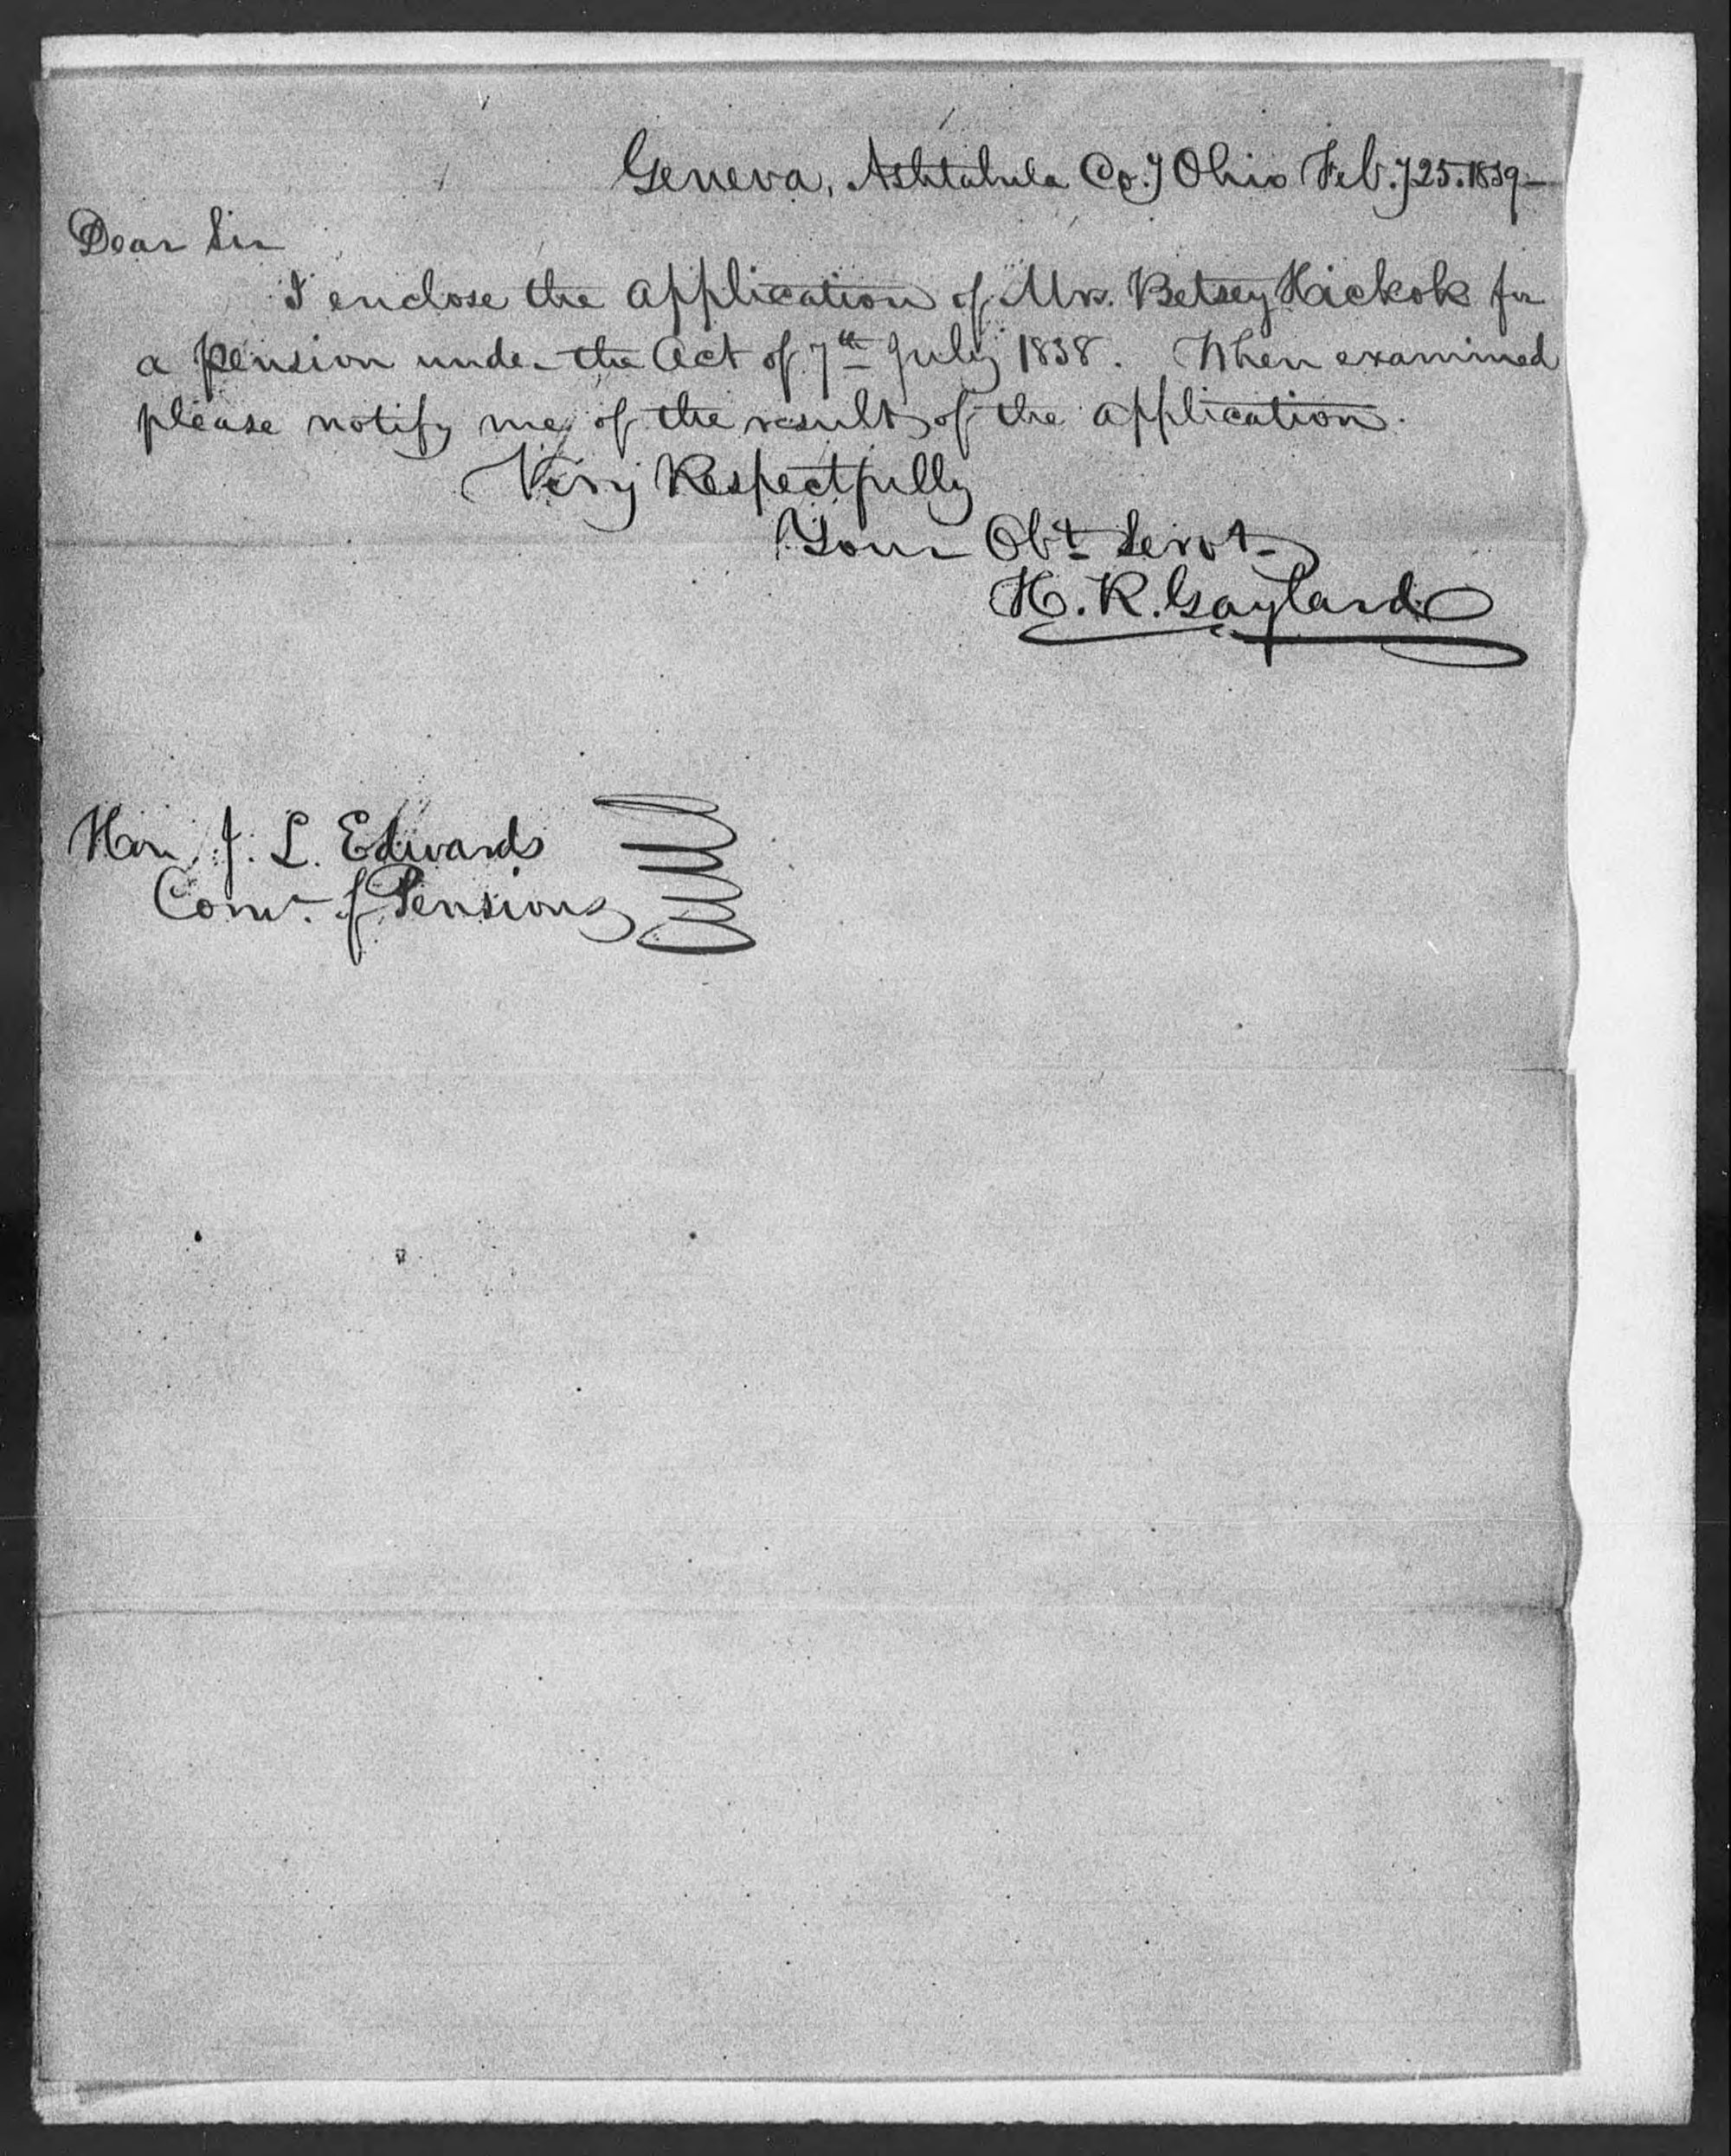Geneva, Ashtalula Co.y [County] Ohio Feb.y 25. 1839-
Dear Sir
I enclose the application of Mrs. Betsey Hickok for a pension under the Act of 7th July 1838.  When examined please notify me of the results of the application.
Very Respectfully 
Your Obt Servt
H. R. Gaylard
Hon. J. L Edwards [flourish underneath]
Comr [Commissioner] of Pensions [flourish to right]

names: J L Edwards, Betsey Hickok, H R Gaylard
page: 35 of 45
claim: widow's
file: W. 4988, Durlin Hickok, Mass.